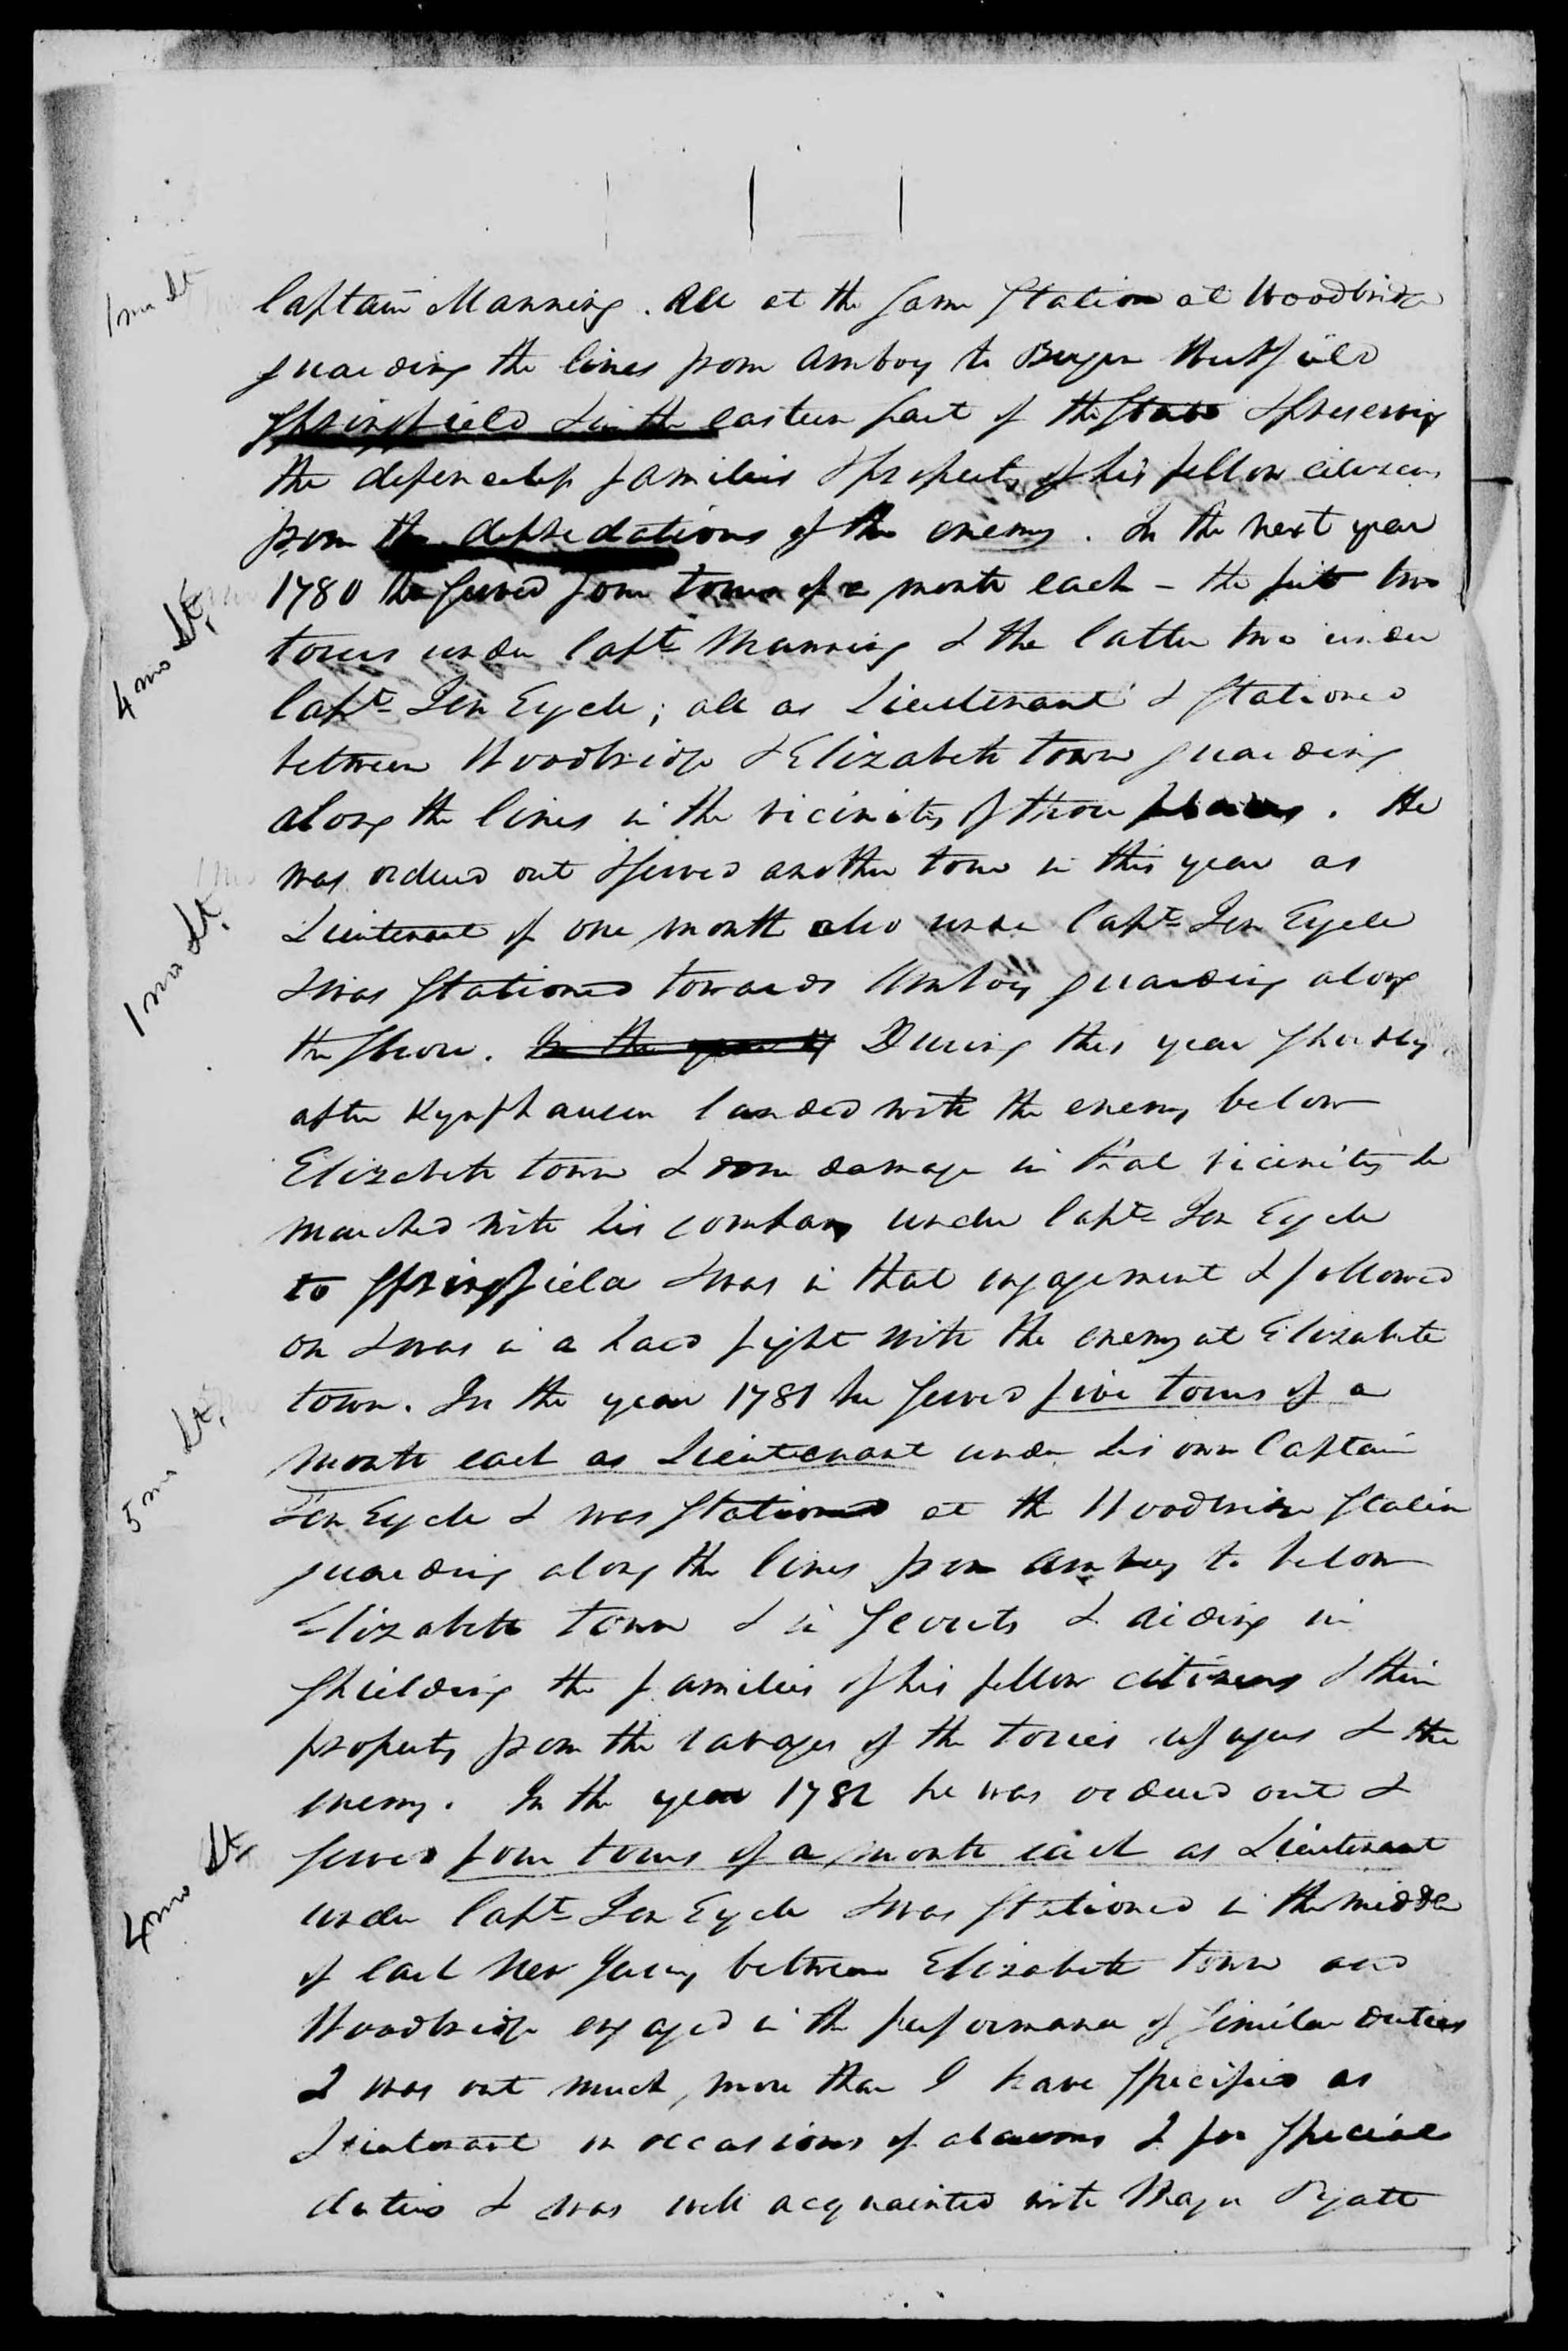Captain Manning.  All at the same station at Woodbridge guarding the lines from Amboy to Bergen Westfield Springfield and the eastern part of the State + pressing the defenceless families + property of his fellow citizens from the depredations of the enemy. In the next year 1780 he served four tours of a month each - the first two tours under Capt Manning + the latter two under Capt Ten Eyck, all as Lieutenant + stationed between Woodbridge + Elizabeth town guarding along the lines in the vicinity of those places. He was ordered out + served another tour in this year as Lieutenant of one month also under Capt Ten Eyck + was stationed towards Amboy guarding along the shore. During this year shortly after Kyrphausen landed with the enemy below Elizabeth town + some damage in that vicinity he marched with his company under Capt Ten Eyck to Springfield + was in that engagement + followed on + was in a hard fight with the enemy at Elizabeth town. In the year 1781 he served five tours of a month each as Lieutenant under his own Captain Ten Eyck + was stationed at the Woodside Station guarding along the lines from Amboy to below Elizabeth town + in [illeg] + aiding in shielding the families of his fellow citizens + their property from the ravages of the tories  [   ] + the  enemy. In the  year 1782 he was ordered out + served four tours of a month each as Lieutenant under Capt Ten Eyck + was stationed in the middle of each New Jersey between Elizabeth town and Woodbridge engaged in the performance of similar duties + was out much more than I have specified as Lieutenant on occasions of alarms + for special duties + was well acquainted with Major Pyatt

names: Ten Eyck, Ten Eyck, Ten Eyck, Ten Eyck, Ten Eyck, Manning, Manning, Pyatt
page: 6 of 77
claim: widow's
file: W. 417, William De Groot, New Jersey